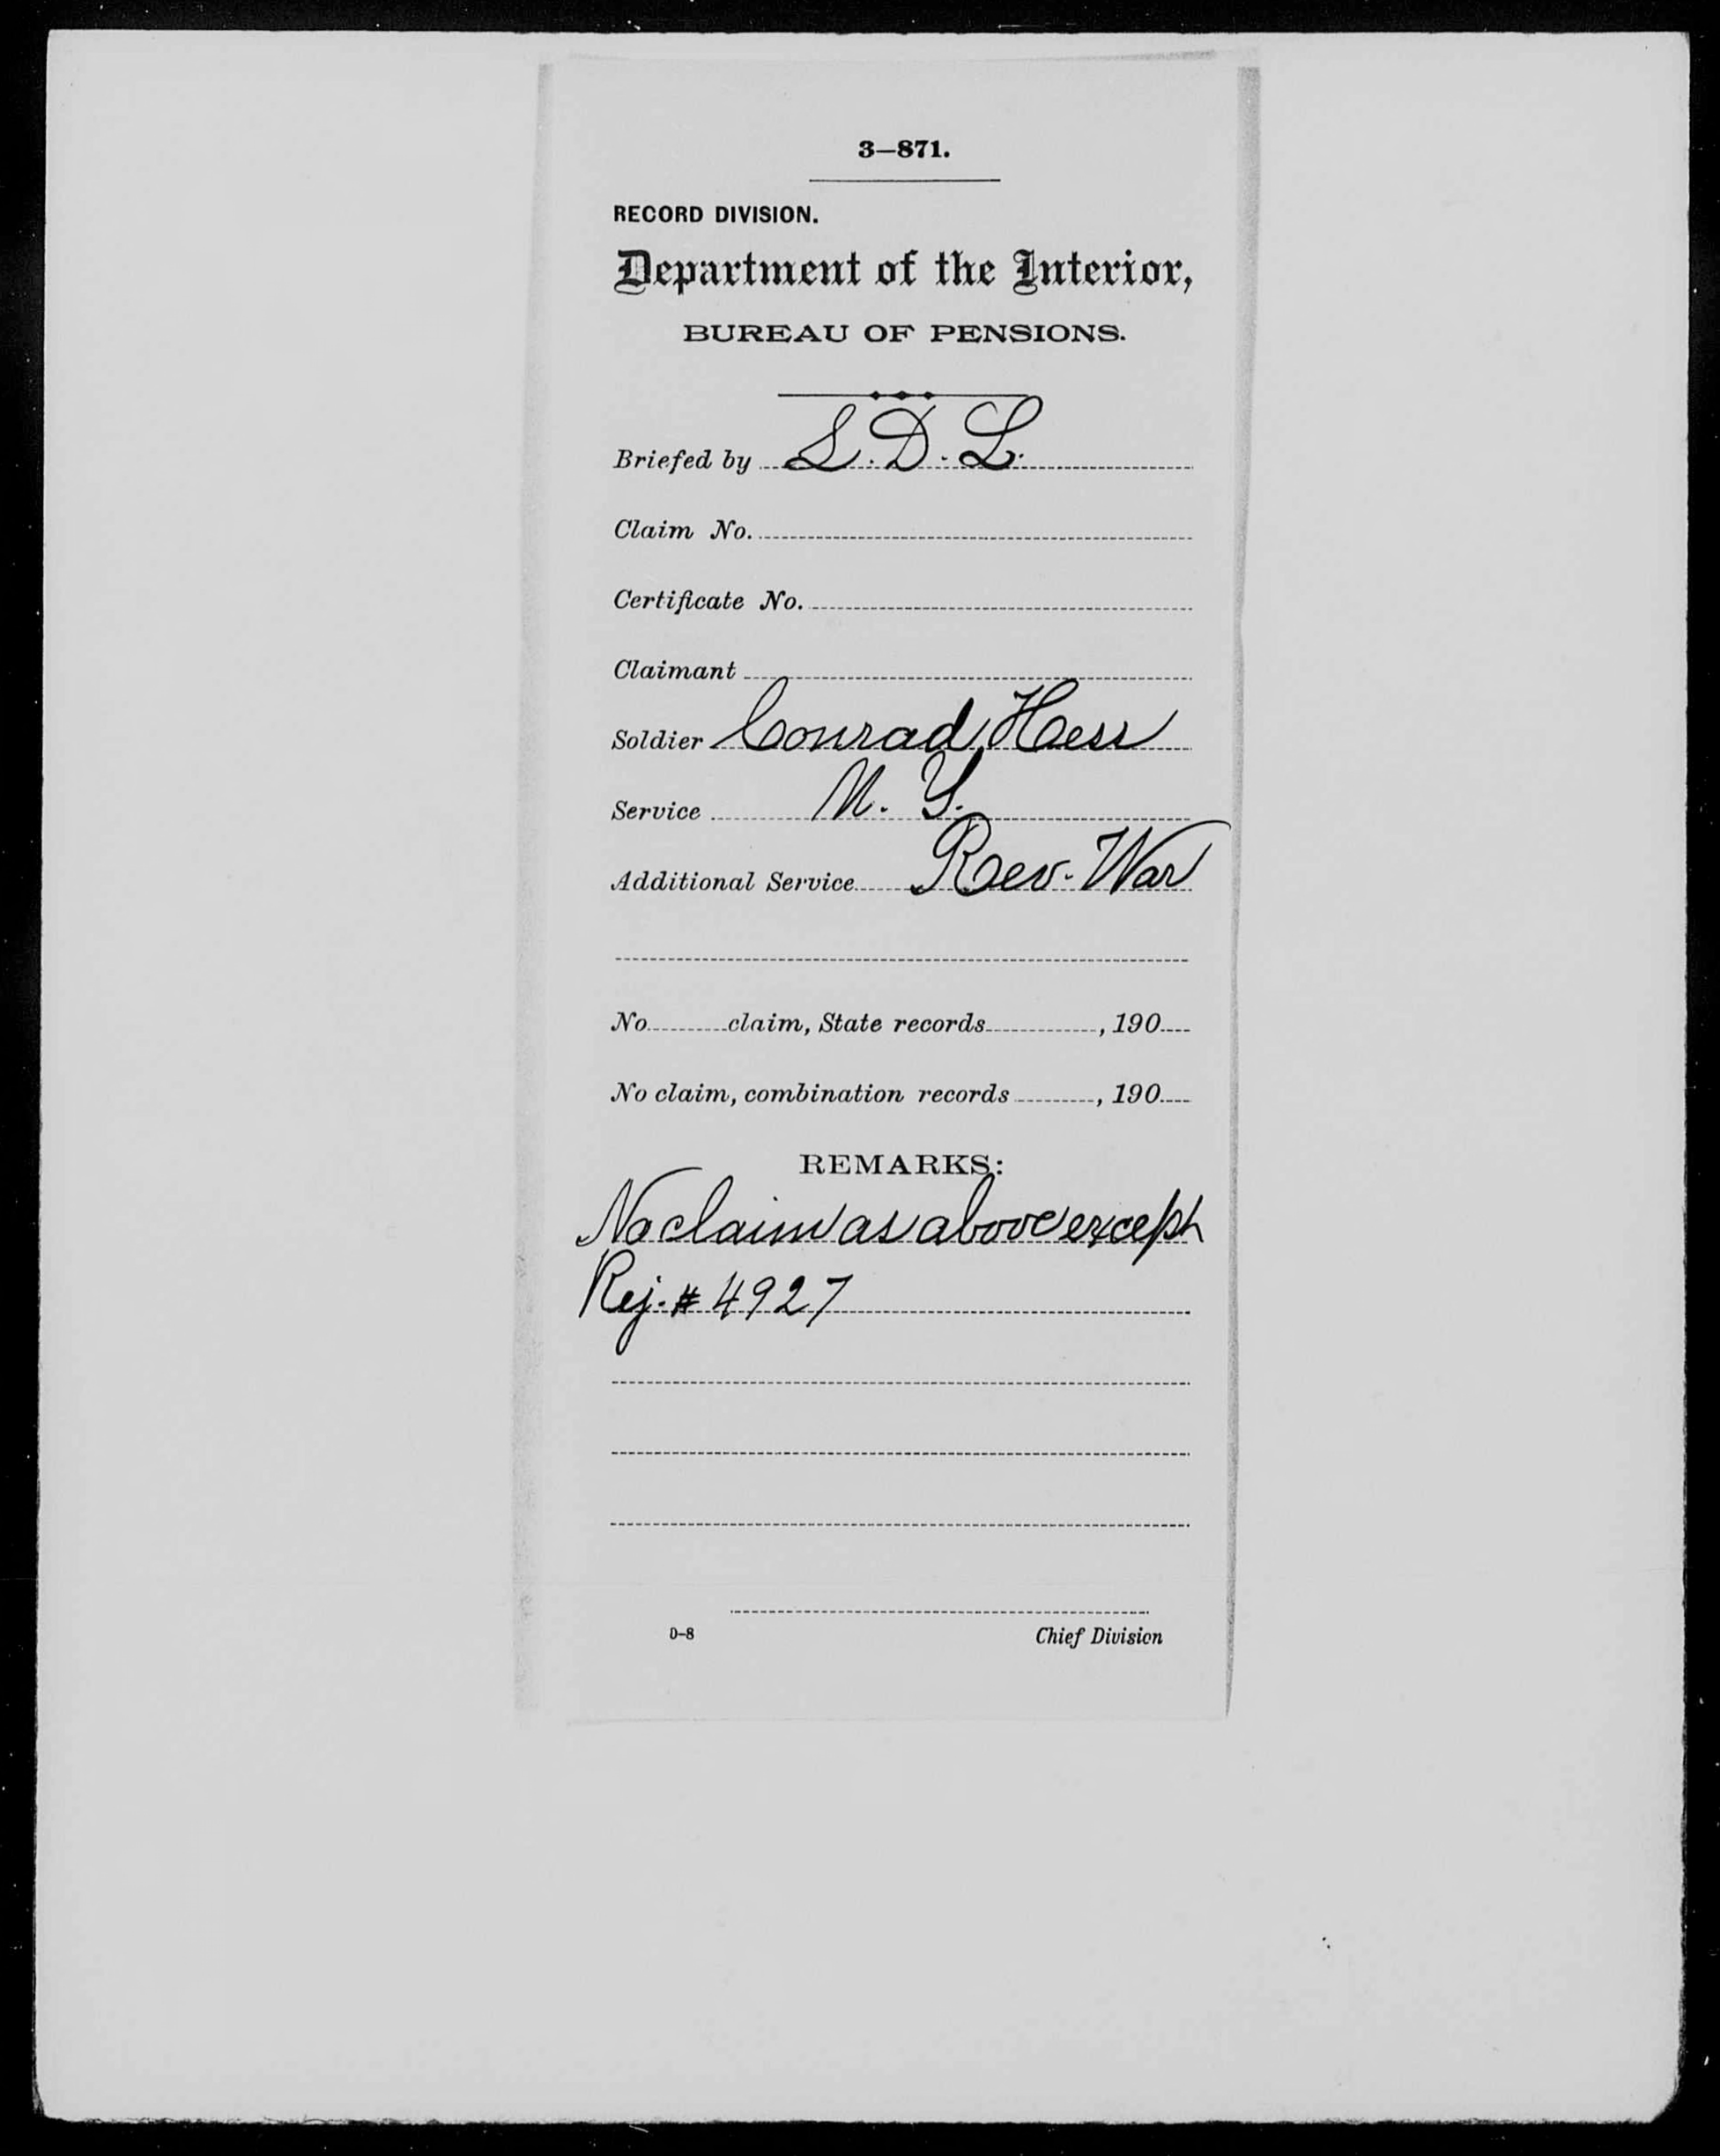[printed and handwritten]

RECORD DIVISION.
DEPARTMENT OF THE INTERIOR,
BUREAU OF PENSIONS.

Briefed by S. D. L.
Soldier Conrad Hess
Service N. Y.
Additional service Rev. War

REMARKS:
No claim as above except
Rej. # 4927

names: Conrad Hess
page: 29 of 30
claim: rejected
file: R. 4927, Conrad Hess, New York